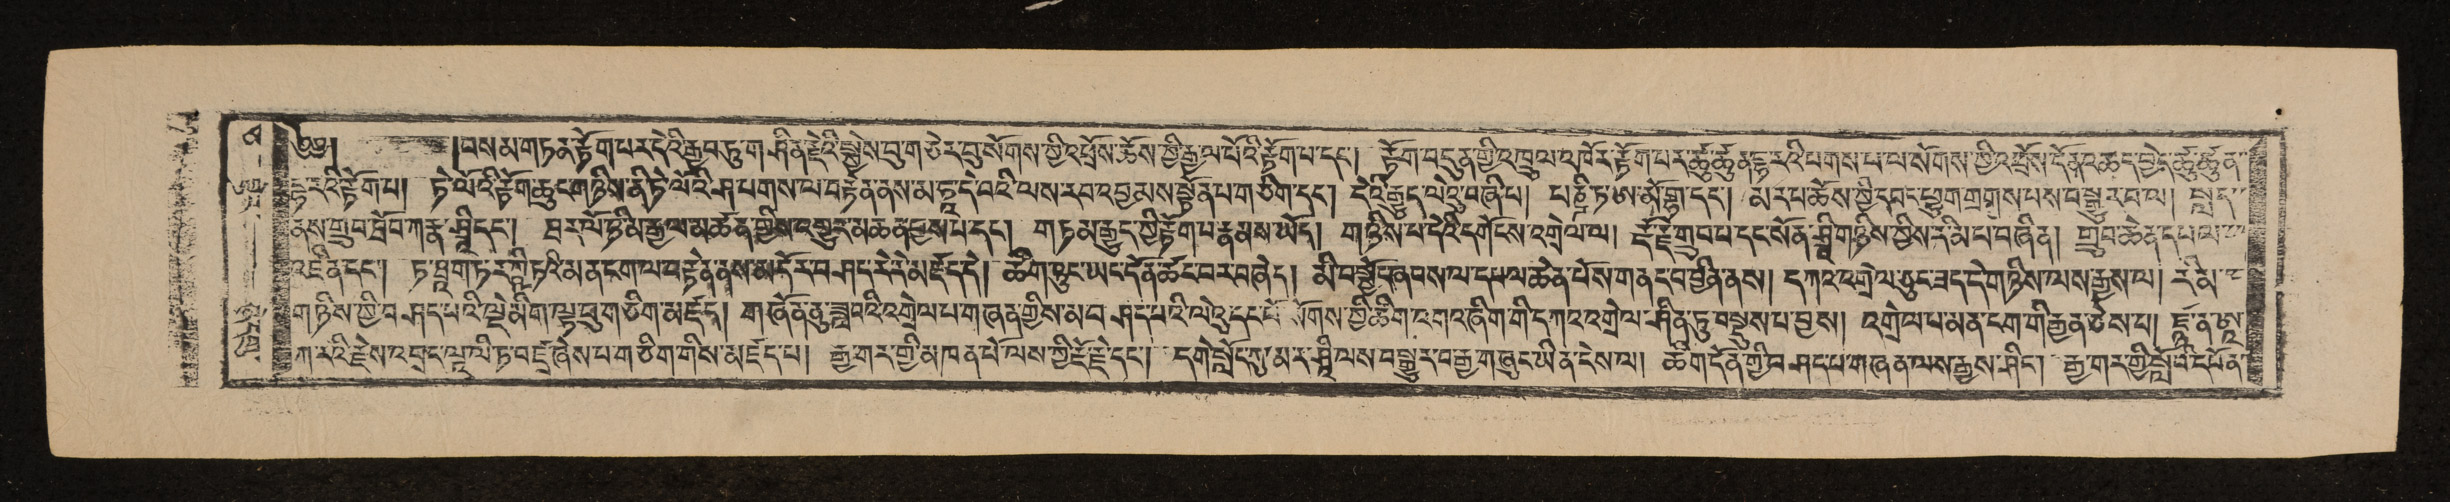༄༅། །བསམ་གཏན་རྟོག་པར་དེའི་རྒྱབ་ཏུ་གཤིན་རྗེའི་སྐྱེས་བུ་གཅེར་བུ་སོགས་ཀྱི་འཕྲོས་ཆོས་ཀྱི་རྒྱལ་པོའི་རྟོག་པ་དང་། རྟོག་བདུན་གྱི་འཁྲུལ་འཁོར་རྟོག་པར་ཚུ་ཚུན་དྷ་རའི་པགས་པ་ལ་སོགས་ཀྱི་འཕྲེས་དོན་འཆད་བྱེད་ཚུ་ཚུན་
དྷ་རའི་རྟོག་པ། ཏེ་ལོའི་རྟོག་ཆུར་གཉིས་ནི་ཏེ་ལོའི་ཤ་པགས་ལ་བརྟན་ནས་མ་ཧཱ་དེ་བའི་ལས་རབ་འབྱམས་སྟོན་པ་གཅིག་དང་། དེའི་རྒྱུད་ལེའུ་བཞི་པ། པཎྜི་ཏ་ཨ་མོགྷ་དང་། མར་བ་ཆོས་ཀྱི་དབང་ཕྱུག་གྲགས་པས་བསྒྱུར་བ་ལ། སླད་
ནས་གྲུབ་ཐོབ་ཀརྣ་ཤྲཱི་དང་། ཐར་ལོ་ཉི་མ་རྒྱལ་མཚན་གྱིས་འགྱུར་མཚན་བྱས་པ་དང་། གཏམ་རྒྱུད་ཀྱི་རྟོག་པ་རྣམས་ཡོད། གཉིས་པ་དེའི་དགོངས་འགྲེལ་ལ། རྡོ་རྗེ་གྲུབ་པ་དང་སོ་ན་ཤྲཱི་གཉིས་ཀྱིས་རིམ་པ་བཞིན། གྲུབ་ཆེན་དཔལ་
འཛིན་དང་། ཏ་ཐཱ་ག་ཏ་རཀྵི་ཏའི་མན་ངག་ལ་བརྟེན་ནས་མདོར་བཤད་རེ་རེ་མཛད་དེ། ཚིག་ཉུང་ཡང་དོན་ཚང་བར་བཞེད། མི་བསྐྱོད་ཞབས་ལ་དཔལ་ཆེན་པོས་གནང་བ་བྱིན་ནས། དཀའ་འགྲེལ་ཅུང་ཟད་དེ་གཉིས་ལས་རྒྱས་ལ། རིམ་
གཉིས་ཀྱི་བཤད་པའི་ལྡེ་མིག་ལྟ་བུ་གཅིག་མཛད། གཞོན་ནུ་ཟླ་བའི་འགྲེལ་པ་གཞན་གྱིས་མ་བཤད་པའི་ལེའུ་དང་པོ་སོགས་ཀྱི་ཚིག་འགའ་ཞིག་གི་དཀའ་འགྲེལ་ཤིན་ཏུ་བསྡུས་པ་བྱས། འགྲེལ་པ་མན་ངག་གི་རྒྱན་ཅེས་བ། ཛྙཱ་ན་ཨཱ་
ཀ་རའི་རྗེས་འབྲང་ལཱ་ལིཏ་བཛྲ་ཞེས་པ་གཅིག་གིས་མཛད་པ། རྒྱ་གར་གྱི་མཁན་པོ་ལས་ཀྱི་རྡོ་རྗེ་དང་། དགེ་སློང་ཀུ་མ་ར་ཤཱི་ལས་བསྒྱུར་བ་རྒྱ་གཞུང་ཡིན་དེས་ལ། ཚིག་དོན་གྱི་བཤད་པ་གཞན་ལས་རྒྱས་ཤིང་། རྒྱ་གར་གྱི་སློབ་དཔོན་